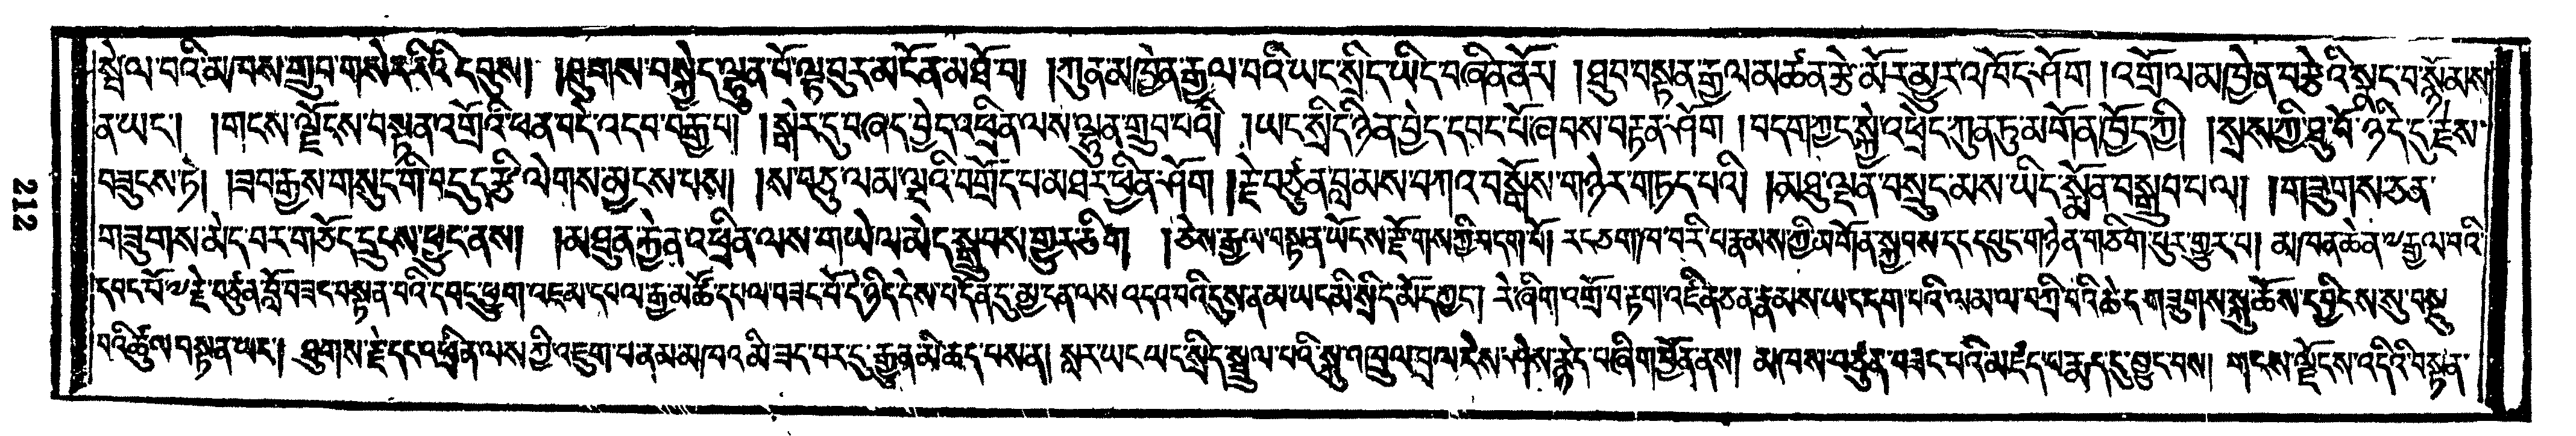སྦེལ་བའི་མཁས་གྲུབ་གསེར་རིའི་དབུས། །ཐུགས་བསྐྱེད་ལྷུན་པོ་ལྟ་བུར་མངོན་མཐོ་བ། །ཀུན་མཁྱེན་རྒྱལ་བའི་ཡང་སྲིད་ཡིད་བཞིན་ནོར། །ཐུབ་བསྟན་རྒྱལ་མཚན་རྩེ་མོར་མྱུར་འཁོད་ཤོག །འགྲོ་ལ་མཁྱེན་བརྩེའི་སྣང་བ་སྙོམས་
ན་ཡང་། །གངས་ལྗོངས་བསྟན་འགྲོའི་ཕན་བདེ་འདབ་བརྒྱ་པ། །སྒེར་དུ་བཞད་བྱེད་འཕྲིན་ལས་ལྷུན་གྲུབ་པའི། །ཡང་སྲིད་ཉིན་བྱེད་དབང་པོ་ཞབས་བརྟན་ཤོག །བདག་ཀྱང་སྐྱེ་འཕྲེང་ཀུན་ཏུ་མགོན་ཁྱོད་ཀྱི། །སྲས་ཀྱི་ཐུ་བོ་ཉིད་དུ་རྗེས་
བཟུངས་ཏེ། །ཟབ་རྒྱས་གསུང་གི་བདུད་རྩི་ལེགས་མྱངས་པས། །ས་བཅུ་ལམ་ལྔའི་བགྲོད་པ་མཐར་ཕྱིན་ཤོག །རྗེ་བཙུན་བླ་མས་བཀའ་བསྒོས་གཉེར་གཏད་པའི། །མཐུ་ལྡན་བསྲུང་མས་ཡིད་སྨོན་བསྒྲུབ་པ་ལ། །གཟུགས་ཅན་
གཟུགས་མེད་བར་གཅོད་དྲུངས་ཕྱུང་ནས། །མཐུན་རྐྱེན་འཕྲིན་ལས་གཡེལ་མེད་སྒྲུབས་གྱུར་ཅིག །ཅེས་རྒྱལ་བསྟན་ཡོངས་རྫོགས་ཀྱི་བདག་པོ། རང་ཅག་ཁ་བ་རི་པ་རྣམས་ཀྱི་མགོན་སྐྱབས་དང་དཔུང་གཉེན་གཅིག་པུར་གྱུར་པ། མཁན་ཆེན་༧་རྒྱལ་བའི་
དབང་པོ་༧་རྗེ་བཙུན་བློ་བཟང་བསྟན་པའི་དབང་ཕྱུག་འཇམ་དཔལ་རྒྱ་མཚོ་དཔལ་བཟང་པོ་དེ་ཉིད་ངེས་པ་དོན་དུ་མྱ་ངན་ལས་འདའ་བའི་དུས་ནམ་ཡང་མི་སྲིད་མོད་ཀྱང་། རེ་ཞིག་འགྲོ་བ་རྟག་འཛིན་ཅན་རྣམས་ཡང་དག་པའི་ལམ་ལ་བཀྲི་བའི་ཆེད་གཟུགས་སྐུ་ཆོས་དབྱིངས་སུ་བསྡུ་
བའི་ཚུལ་བསྟན་ཡང་། ཐུགས་རྗེ་དང་འཕྲིན་ལས་ཀྱི་འཇུག་པ་ནམ་མཁའ་མི་ཟད་བར་དུ་རྒྱུན་མི་ཆད་པས་ན། སླར་ཡང་ཡང་སྲིད་སྦྲུལ་པའི་སྐུ་འཁྲུལ་བྲལ་ངེས་ཤེས་རྙེད་བ་ཞིག་བྱོན་ནས། མཁས་བཙུན་བཟང་པའི་མཛད་པ་རྨད་དུ་བྱུང་བས། གངས་ལྗོངས་འདིའི་བསྟན་